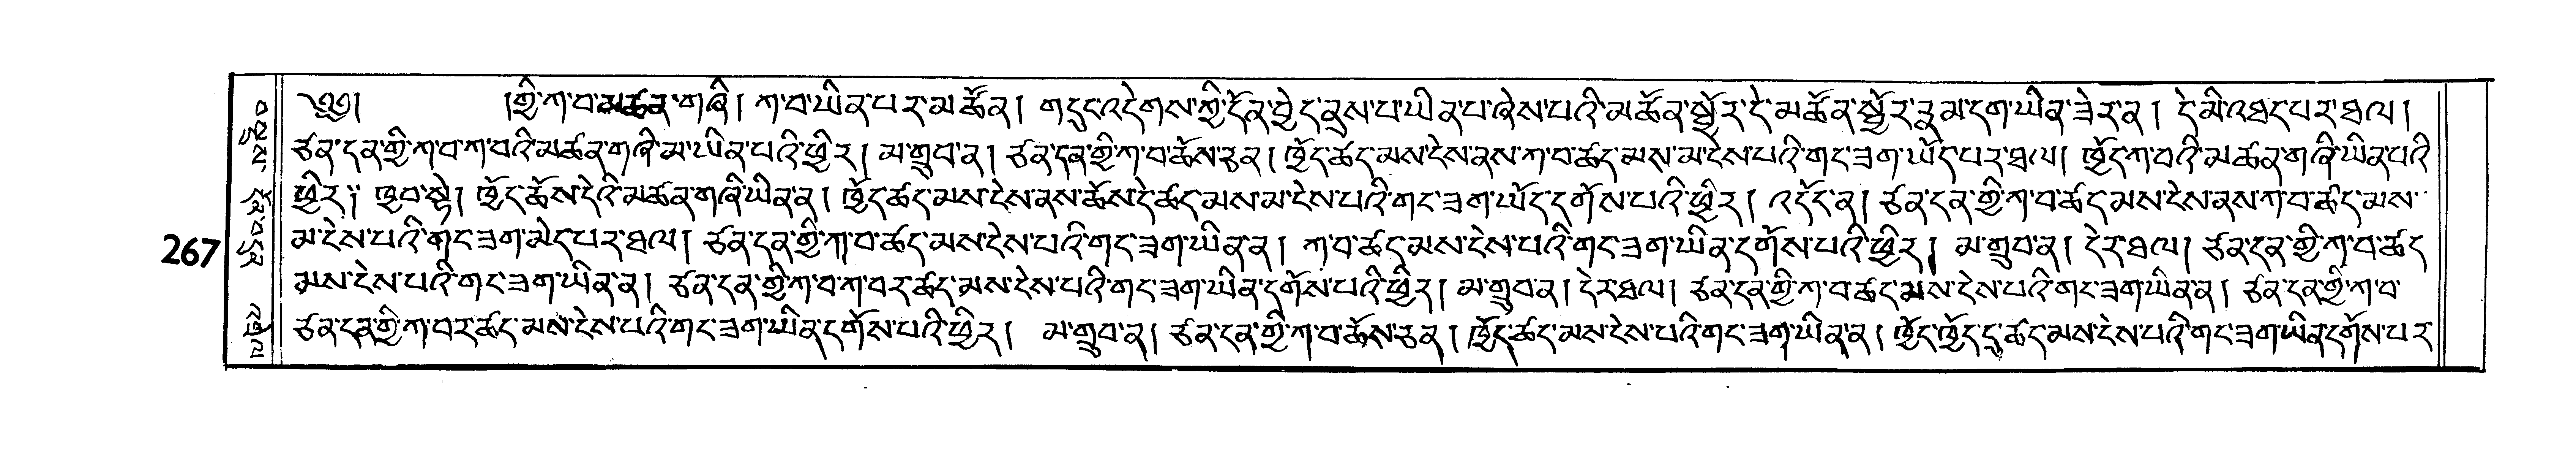༄༅། །གྱི་ཀ་བ་མཚན་གཞི། ཀ་བ་ཡིན་པར་མཚོན། གདུང་འདེགས་ཀྱི་དོན་བྱེད་ནུས་པ་ཡིན་པ་ཞེས་པའི་མཚོན་སྦྱོར་དེ་མཚོན་སྦྱོར་རྣམ་དག་ཡིན་ཟེར་ན། དེ་མི་འཐད་པར་ཐལ།
ཙན་དན་གྱི་ཀ་བ་ཀ་བའི་མཚན་གཞི་མ་ཡིན་པའི་ཕྱིར། མ་གྲུབ་ན། ཙན་དན་གྱི་ཀ་བ་ཆོས་ཅན། ཁྱོད་ཚད་མས་ངེས་ནས་ཀ་བ་ཚད་མས་མ་ངེས་པའི་གང་ཟག་ཡོད་པར་ཐལ། ཁྱོད་ཀ་བའི་མཚན་གཞི་ཡིན་པའི་
ཕྱིར༑ ཁྱབ་སྟེ། ཁྱོད་ཆོས་དེའི་མཚན་གཞི་ཡིན་ན། ཁྱོད་ཚད་མས་ངེས་ནས་ཆོས་དེ་ཚད་མས་མ་ངེས་པའི་གང་ཟག་ཡོད་དགོས་པའི་ཕྱིར། འདོད་ན། ཙན་དན་གྱི་ཀ་བ་ཚད་མས་ངེས་ནས་ཀ་བ་ཚད་མས་
མ་ངེས་པའི་གང་ཟག་མེད་པར་ཐལ། ཙན་དན་གྱི་ཀ་བ་ཚད་མས་ངེས་པའི་གང་ཟག་ཡིན་ན། ཀ་བ་ཚད་མས་ངེས་པའི་གང་ཟག་ཡིན་དགོས་པའི་ཕྱིར། མ་གྲུབ་ན། དེར་ཐལ། ཙན་དན་གྱི་ཀ་བ་ཚད་
མས་ངེས་པའི་གང་ཟག་ཡིན་ན། ཙན་དན་གྱི་ཀ་བ་ཀ་བར་ཚད་མས་ངེས་པའི་གང་ཟག་ཡིན་དགོས་པའི་ཕྱིར། མ་གྲུབ་ན། དེར་ཐལ། ཙན་དན་གྱི་ཀ་བ་ཚད་མས་ངེས་པའི་གང་ཟག་ཡིན་ན། ཙན་དན་གྱི་ཀ་བ་
ཙན་དན་གྱི་ཀ་བར་ཚད་མས་ངེས་པའི་གང་ཟག་ཡིན་དགོས་པའི་ཕྱིར། མ་གྲུབ་ན། ཙན་དན་གྱི་ཀ་བ་ཆོས་ཅན། ཁྱོད་ཚད་མས་ངེས་པའི་གང་ཟག་ཡིན་ན། ཁྱོད་ཁྱོད་དུ་ཚད་མས་ངེས་པའི་གང་ཟག་ཡིན་དགོས་པར་